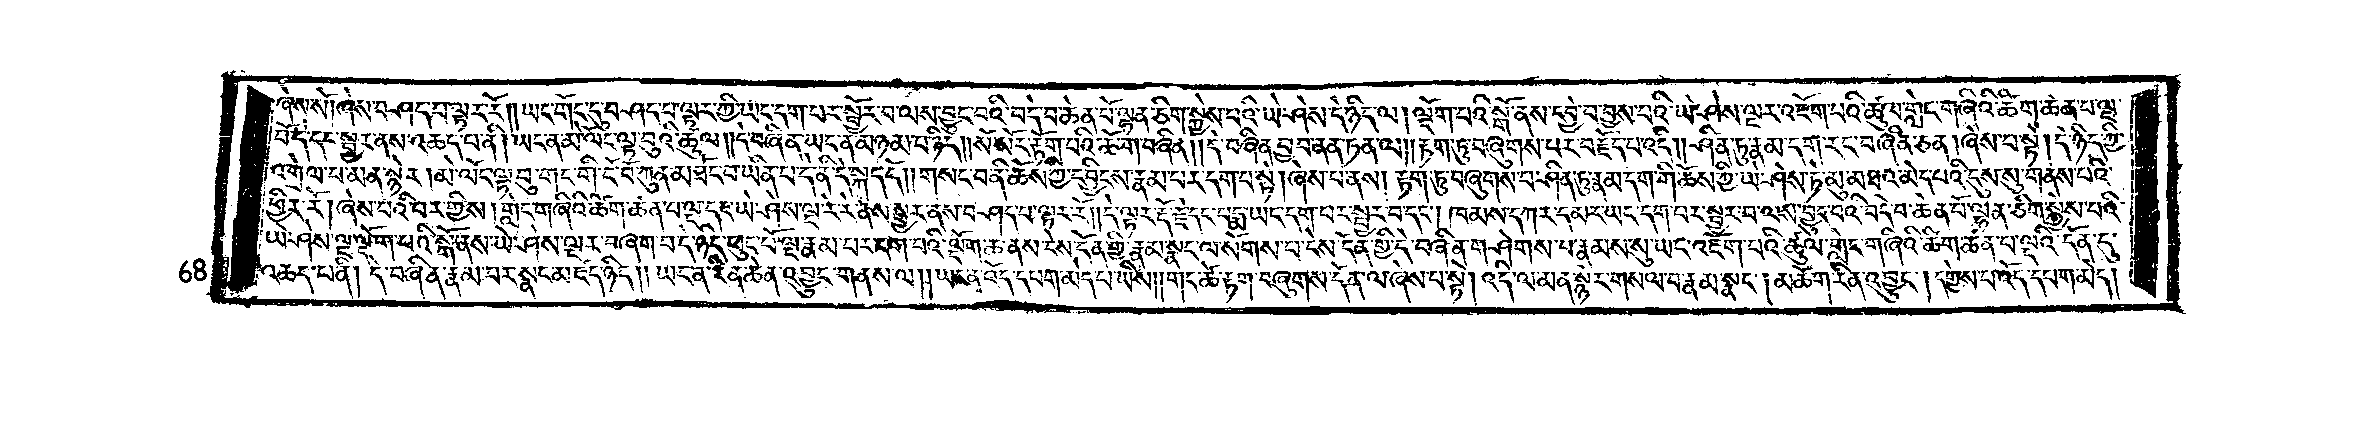ཞེས་སོ། ཞེས་བཤད་པ་ལྟར་རོ། །ཡང་གོང་དུ་བཤད་པ་ལྟར་ཀྱི་ཡང་དག་པར་སྦྱོར་བ་ལས་བྱུང་བའི་བདེ་བ་ཆེན་པོ་ལྷན་ཅིག་སྐྱེས་པའི་ཡེ་ཤེས་དེ་ཉིད་ལ། ལྡོག་པའི་སྒོ་ནས་དབྱེ་བ་བྱས་པའི་ཡེ་ཤེས་ལྔར་འཇོག་པའི་ཚུལ་གླེང་གཞིའི་ཚིག་ཆེན་པ་ལྔ་
པོ་དེ་དང་སྦྱར་ནས་འཆད་པ་ནི། ཡང་ན་མེ་ལོང་ལྟ་བུའི་ཚུལ། །དེ་བཞིན་ཡང་ན་མཉམ་པ་ཉིད། །སོ་སོར་རྟོག་པའི་ཆོ་ག་བཞིན། །དེ་བཞིན་བྱ་བ་ནན་ཏན་ལ། །རྟག་ཏུ་བཞུགས་པར་བརྗོད་པ་འདི། །ཤིན་ཏུ་རྣམ་དག་རང་བཞིན་ཅན། ཞེས་པ་སྟེ། དེ་ཉིད་ཀྱི་
འགྲེལ་པ་མན་སྙེར། མེ་ལོང་ལྷ་བུ་གང་གི་ངོ་བོ་ཀུན་མཐོང་བ་ཡིན་པ་དེ་ནི་དེ་སྐད་ཅོ། །གསང་བ་ནི་ཆོས་ཀྱི་དབྱིངས་རྣམ་པར་དག་པ་སྟེ། ཞེས་པ་ནས། རྟག་ཏུ་བཞུགས་པ་ཤིན་ཏུ་རྣམ་དག་གི་ཆོས་ཀྱི་ཡེ་ཤེས་ཏེ་མུ་མཐའ་མེད་པའི་དུས་སུ་གནས་པའི་
ཕྱིར་རོ། ཞེས་པའི་བར་གྱིས། གླེང་གཞིའི་ཚིག་ཚན་པ་ལྔ་དང་ཡེ་ཤེས་ལྔ་རེ་རེ་ནས་སྦྱར་ནས་བཤད་པ་ལྟར་རོ། །དེ་ལྟར་རྡོ་རྗེ་དང་པདྨ་ཡང་དག་པར་སྦྱར་བ་དང་། ཁམས་དཀར་དམར་ཡང་དག་པར་སྦྱར་བ་ལས་བྱུང་བའི་བདེ་བ་ཆེན་པོ་ལྷན་ཅིག་སྐྱེས་པའི་
ཡེ་ཤེས་ལྔ་ལྡོག་པའི་སྒོ་ནས་ཡེ་ཤེས་ལྔར་བཞག་པ་དེ་ཉིད་ཕུང་པོ་ལྔ་རྣམ་པར་དག་པའི་ལྡོག་ཆ་ནས་ངེས་དོན་གྱི་རྣམ་སྣང་ལ་སོགས་པ་ངེས་དོན་གྱི་དེ་བཞིན་གཤེགས་པ་རྣམས་སུ་ཡང་འཇོག་པའི་ཚུལ་གླེང་གཞིའི་ཚིག་ཚན་པ་ལྔའི་དོན་དུ་
འཆད་པ་ནི། དེ་བཞིན་རྣམ་པར་སྣང་མཛད་ཉིད། །ཡང་ན་རིན་ཆེན་འབྱུང་གནས་ལ། །ཡང་ན་འོད་དཔག་མེད་པ་ཡིས། །གང་ཚེ་རྟག་བཞུགས་དོན་ལ་ཞེས་པ་སྟེ། འདི་ལ་མན་སྙེར་གསལ་བ་རྣམ་སྣང་། མཆོག་རིན་འབྱུང་། དགྱེས་པ་འོད་དཔག་མེད།